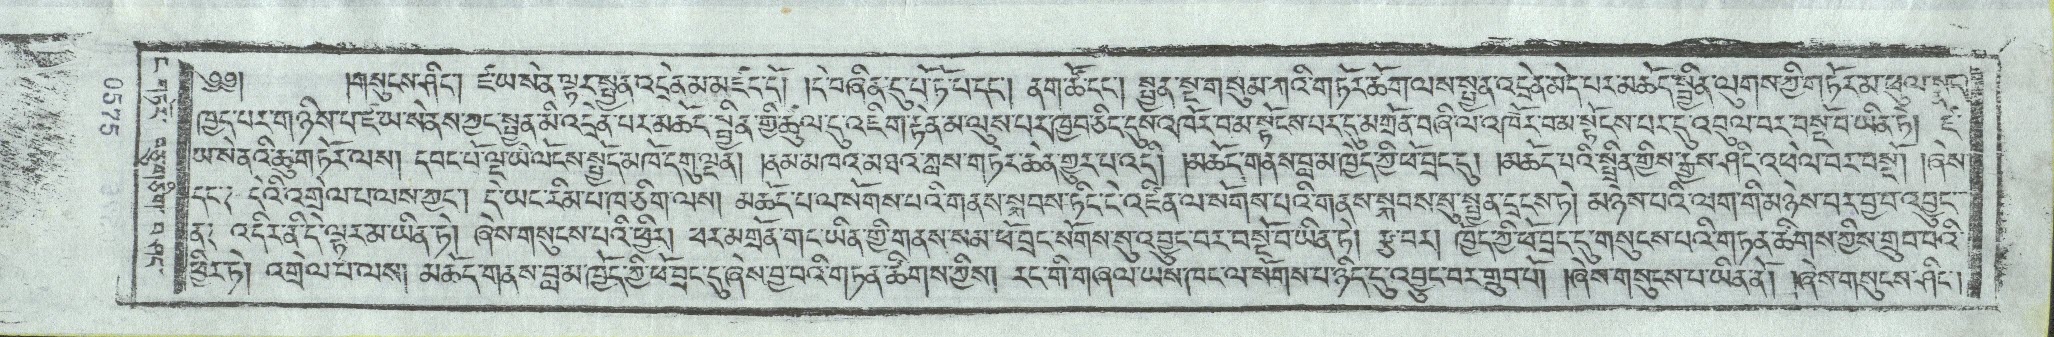༄༅། །གསུངས་ཤིང་། ཛ་ཡ་སེ་ན་ལྟར་སྦྱན་འདྲེན་མ་མཛད་དོ། །དེ་བཞིན་དུ་པོ་ཏོ་པ་དང་། ནག་ཚོ་དང་། སྤྱན་སྔ་གསུམ་ཀའི་གཏོར་ཆོག་ལས་སྤྱན་འདྲེན་མེད་པར་མཆོད་སྦྱིན་ལུགས་ཀྱི་གཏོར་མ་ཕུལ་སྣང་།
ཁྱད་པར་གཉིས་པ་ཛ་ཡ་སེ་ནས་ཀྱང་སྤྱན་མི་འདྲེན་པར་མཆོད་སྦྱིན་གྱི་ཚུལ་དུ་འཇིག་རྟེན་མ་ལུས་པར་ཁྱབ་ཅིང་དུས་འཁོར་བ་མ་སྟོངས་པར་དུ་མགྲོན་བཞི་ལ་འཁོར་བ་མ་སྟོངས་པར་དུ་འབུལ་བར་བསྔོ་བ་ཡིན་ཏེ། ཛ་
ཡ་སེ་ནའི་ཆུ་གཏོར་ལས། དབང་པོ་ལྔ་ཡི་ལོངས་སྤྱོད་མཁོ་དགུ་ལྡན། །ནམ་མཁའ་མཐའ་ཀླས་གཏེར་ཆེན་གྱུར་པ་འདི། །མཆོད་གནས་བླ་མ་ཁྱེད་ཀྱི་ཕོ་བྲང་དུ། །མཆོད་པའི་སྤྲིན་གྱིས་རྒྱས་ཤིང་འཕེལ་བར་བསྔོ། །ཞེས་
དང༑ དེའི་འགྲེལ་པ་ལས་ཀྱང་། དེ་ཡང་རིམ་པ་ཁ་ཅིག་ལས། མཆོད་པ་ལ་སོགས་པའི་གནས་སྐབས་ཏིང་ངེ་འཛིན་ལ་སོགས་པའི་གནས་སྐབས་སུ་སྤྱན་དྲངས་ཏེ། མཉེས་པའི་ལག་གི་མཉེས་པར་བྱ་བ་འབྱུང་
ན༑ འདིར་ནི་དེ་ལྟར་མ་ཡིན་ཏེ། ཞེས་གསུངས་པའི་ཕྱིར། ཕར་མགྲོན་གང་ཡིན་གྱི་གནས་སམ་ཕོ་བྲང་སོགས་སུ་འབྱུང་བར་བསྔོ་བ་ཡིན་ཏེ། རྩ་བར། ཁྱོད་ཀྱི་ཕོ་བྲང་དུ་གསུངས་པའི་གཏན་ཚིགས་ཀྱིས་གྲུབ་པའི་
ཕྱིར་ཏེ། འགྲེལ་པ་ལས། མཆོད་གནས་བླ་མ་ཁྱོད་ཀྱི་ཕོ་བྲང་དུ་ཞེས་བྱ་བའི་གཏན་ཚིགས་ཀྱིས། རང་གི་གཞལ་ཡས་ཁང་ལ་སོགས་པ་ཉིད་དུ་འབྱུང་བར་གྲུབ་པོ། །ཞེས་གསུངས་པ་ཡིན་ནོ། །ཞེས་གསུངས་ཤིང་།